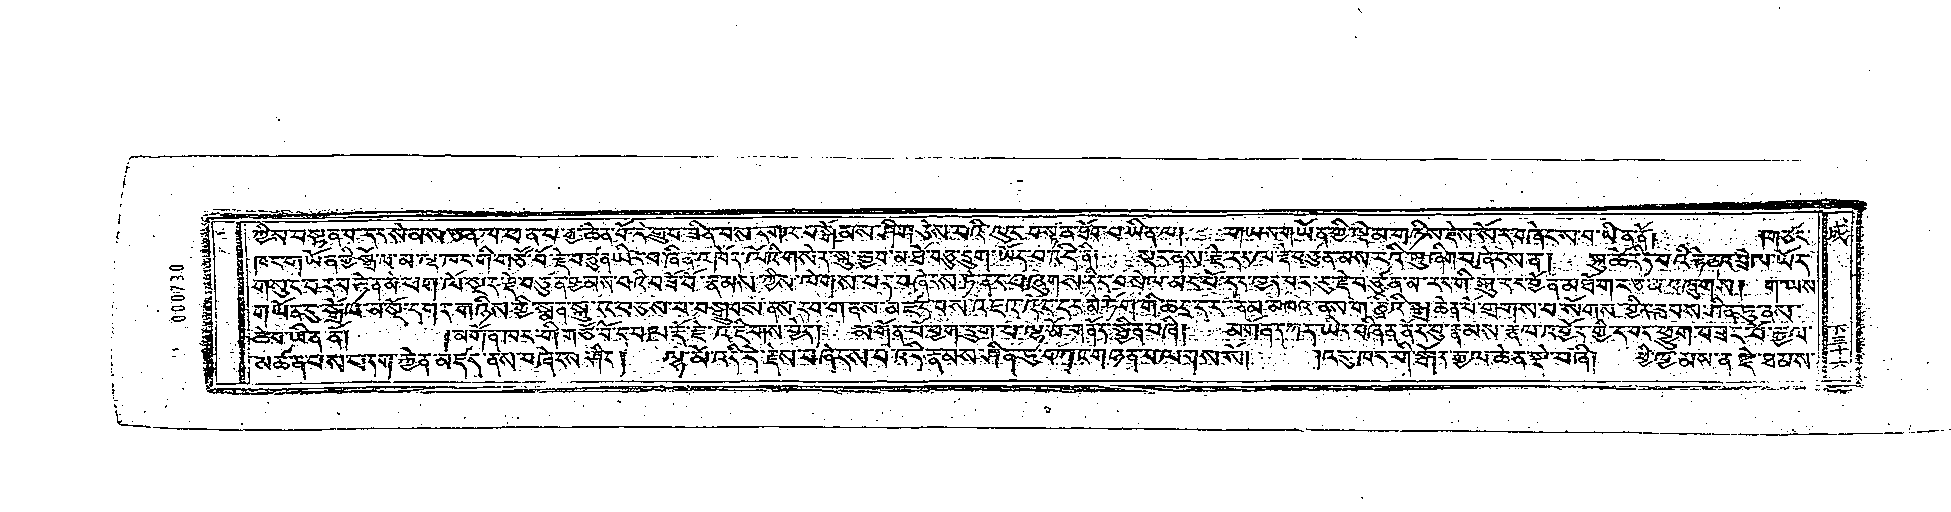ཀྱིས་བསྟན་པ་དང་སེམས་ཅན་ལ་ཕན་པ་རྒྱ་ཆེན་པོ་དེ་གྲུབ་ཟིན་པས་དགའ་བསྒོམས་ཤིག་ཅེས་པའི་ལུང་བསྟན་ཐོབ་པ་ཡིན་ལ། གཡས་གཡོན་གྱི་ལྡེམ་གཉིས་རྗེས་སོར་བཞེངས་པ་ཡིན་ནོ། །གཙང་
ཁང་གཡོན་གྱི་སྒྲོལ་མ་ལྷ་ཁང་གི་གཙོ་བོ་རྗེ་བཙུན་ཡིད་བཞིན་འཁོར་ལོའི་གསེར་སྐུ་རྒྱབ་མཐོ་བཅུ་དྲུག་ཡོད་པ་འདི་ནི། སྔར་ནས་རྗེ་རང་ལ་རྗེ་བཙུན་མས་ངའི་སྐུ་ཞིག་བཞེངས་ན། སྐུ་ཚེ་རིར་བའི་རྟེན་འབྲེལ་ཡོད་
གསུང་བར་བརྟེན་མེ་ཕག་ལོ་སྔར་རྗེ་བཙུན་བྱམས་པའི་བཟོ་བོ་རྣམས་ཀྱིས་ལེགས་པར་བཞེངས་ཏེ་ནང་བཞུགས་རིང་བསྲེལ་མང་པོ་དང་ཁྱད་པར་དུ་རྗེ་བཙུན་མ་རང་གི་སྐུ་རང་བྱོན་མཐོ་གང་ཙམ་བཞུགས། གཡས་
གཡོན་དུ་སྒྲོལ་མ་སྡོ་དགར་གཉིས་ཀྱི་སྨན་སྐུ་དང་བཅས་པ་བསྒྲུབས་ནས་རབ་གནས་མཛད་པས་འཇའ་འོད་དང་མེ་ཏོག་གི་ཆད་དང་ནམ་མཁའ་ནས་གཎྚིའི་སྒྲ་ཆེན་པོ་གྲགས་བ་སོགས་བྱིན་རླབས་ཤིན་ཏུ་ནས་
ཆེ་བ་ཡིན་ནོ། །མགོན་ཁང་གི་གཙོ་བོ་དཔལ་རྡོ་རྗེ་འཇིགས་བྱེད། མགོན་པོ་ཕྱག་དྲུག་པ་ལྷ་མོ་གནོད་སྦྱིན་བཞི། མགོན་དཀར་ཡིད་བཞིན་ནོར་བུ་རྣམས་རྣལ་འབྱོར་གྱི་དབང་ཕྱུག་བཟང་བོ་རྒྱལ་
མཚན་པས་བདག་རྐྱེན་མཛད་ནས་བཞེངས་ཤིང་། ལྷ་མོ་འདི་དེ་རྗེས་བཞེངས་པ་འདི་རྣམས་ཤིན་ཏུ་བཀའ་གཉན་པ་ལགས་སོ། །འདུ་ཁང་གི་སྒོར་རྒྱལ་ཆེན་སྡེ་བཞི། ཕྱི་ཁྱམས་ན་རྗེ་ཐམས་